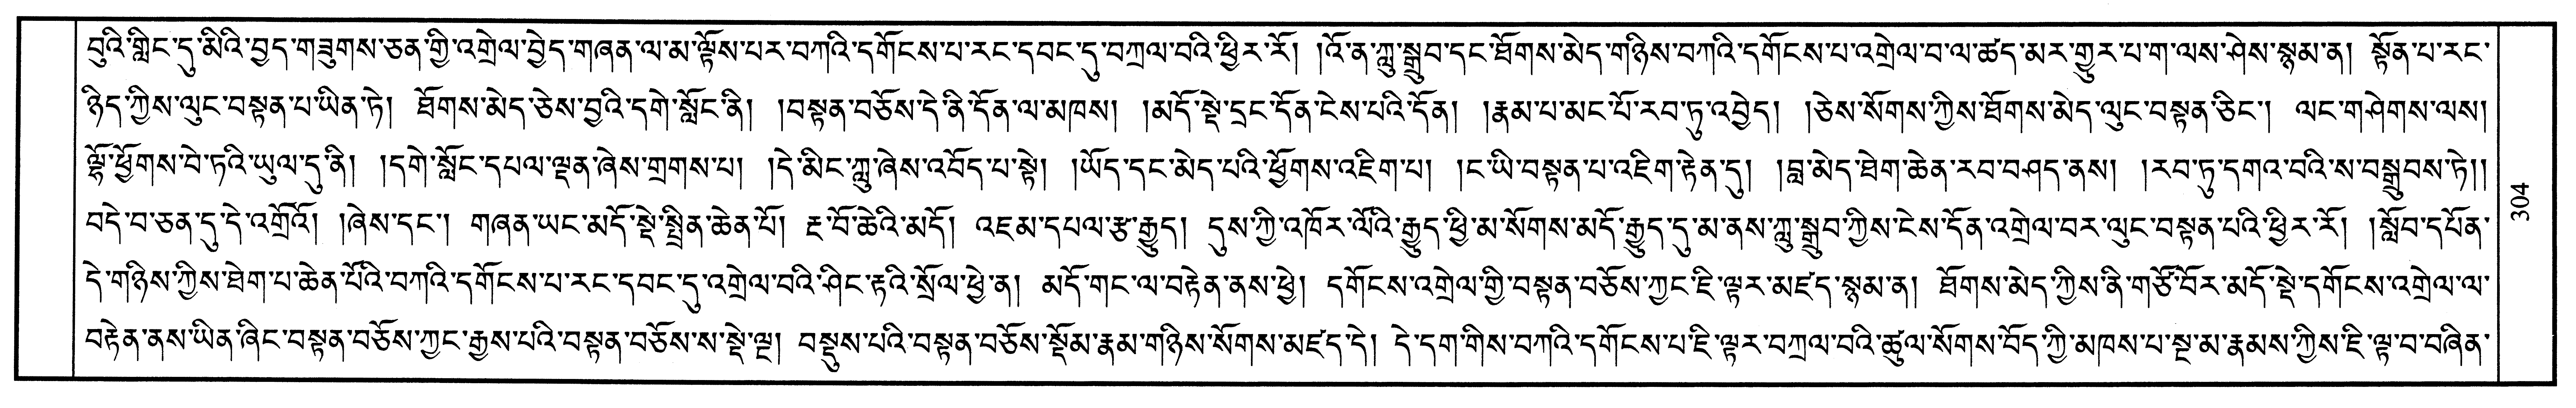བུའི་གླིང་དུ་མིའི་བྱད་གཟུགས་ཅན་གྱི་འགྲེལ་བྱེད་གཞན་ལ་མ་ལྟོས་པར་བཀའི་དགོངས་པ་རང་དབང་དུ་བཀྲལ་བའི་ཕྱིར་རོ། །འོ་ན་ཀླུ་སྒྲུབ་དང་ཐོགས་མེད་གཉིས་བཀའི་དགོངས་པ་འགྲེལ་བ་ལ་ཚད་མར་གྱུར་པ་ག་ལས་ཤེས་ཉམ་ན། སྟོན་པ་རང་
ཉིད་ཀྱིས་ལུང་བསྟན་པ་ཡིན་ཏེ། ཐོགས་མེད་ཅེས་བྱའི་དགེ་སློང་ནི། །བསྟན་བཅོས་དེ་ནི་དོན་ལ་མཁས། །མདོ་སྡེ་དྲང་དོན་ངེས་པའི་དོན། །རྣམ་པ་མང་པོ་རབ་ཏུ་འབྱེད། །ཅེས་སོགས་ཀྱིས་ཐོགས་མེད་ལུང་བསྟན་ཅིང་། ལང་གཤེགས་ལས།
ལྷོ་ཕྱོགས་བེ་ཏའི་ཡུལ་དུ་ནི། །དགེ་སློང་དཔལ་ལྡན་ཞེས་གྲགས་པ། །དེ་མིང་ཀླུ་ཞེས་འབོད་པ་སྟེ། །ཡོད་དང་མེད་པའི་ཕྱོགས་འཇིག་པ། །ང་ཡི་བསྟན་པ་འཇིག་རྟེན་དུ། །བླ་མེད་ཐེག་ཆེན་རབ་བཤད་ནས། །རབ་ཏུ་དགའ་བའི་ས་བསྒྲུབས་ཏེ།།
བདེ་བ་ཅན་དུ་དེ་འགྲོའོ། །ཞེས་དང་། གཞན་ཡང་མདོ་སྡེ་སྤྲིན་ཆེན་པོ། རྔ་བོ་ཆེའི་མདོ། འཇམ་དཔལ་རྩ་རྒྱུད། དུས་ཀྱི་འཁོར་ལོའི་རྒྱུད་ཕྱི་མ་སོགས་མདོ་རྒྱུད་དུ་མ་ནས་ཀླུ་སྒྲུབ་ཀྱིས་ངེས་དོན་འགྲེལ་བར་ལུང་བསྟན་པའི་ཕྱིར་རོ། །སློབ་དཔོན་
དེ་གཉིས་ཀྱིས་ཐེག་པ་ཆེན་པོའི་བཀའི་དགོངས་པ་རང་དབང་དུ་འགྲེལ་བའི་ཤིང་རྟའི་སྲོལ་ཕྱེ་ན། མདོ་གང་ལ་བརྟེན་ནས་ཕྱེ། དགོངས་འགྲེལ་གྱི་བསྟན་བཅོས་ཀྱང་ཇི་ལྟར་མཛད་སྙམ་ན། ཐོགས་མེད་ཀྱིས་ནི་གཙོ་བོར་མདོ་སྡེ་དགོངས་འགྲེལ་ལ་
བརྟེན་ནས་ཡིན་ཞིང་བསྟན་བཅོས་ཀྱང་རྒྱས་པའི་བསྟན་བཅོས་ས་སྡེ་ལྔ། བསྡུས་པའི་བསྟན་བཅོས་སྡོམ་རྣམ་གཉིས་སོགས་མཛད་དེ། དེ་དག་གིས་བཀའི་དགོངས་པ་ཇི་ལྟར་བཀྲལ་བའི་ཚུལ་སོགས་བོད་ཀྱི་མཁས་པ་སྔ་མ་རྣམས་ཀྱིས་ཇི་ལྟ་བ་བཞིན་